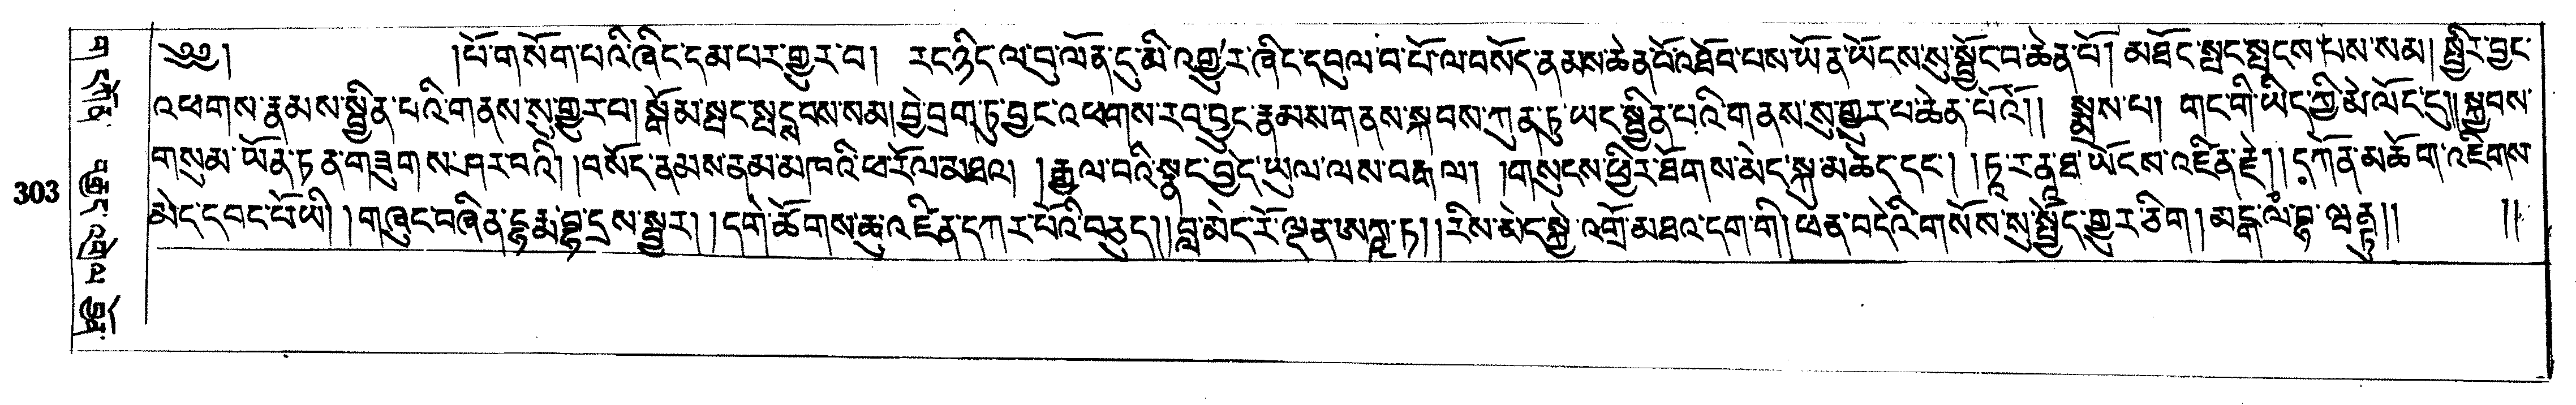༄༅། །པོ་གསོག་པའི་ཞིང་དམ་པར་གྱུར་བ། རང་ཉིད་ལ་བུ་ལོན་དུ་མི་འགྱུར་ཞིང་དབུལ་བ་པོ་ལ་བསོད་ནམས་ཆེན་པོ་འཐོབ་པས་ཡོན་ཡོངས་སུ་སྦྱོང་བ་ཆེན་པོ། མཐོང་སྤང་སྤངས་པས་སམ། སྤྱིར་བྱང་
འཕགས་རྣམས་སྦྱིན་པའི་གནས་སུ་གྱུར་བ། སྒོམ་སྤང་སྤངས་བས་སམ། བྱེ་བྲག་ཏུ་བྱང་འཕགས་རབ་བྱུང་རྣམས་གནས་སྐབས་ཀུན་ཏུ་ཡང་སྦྱིན་པའི་གནས་སུ་གྱུར་པ་ཆེན་པོའོ། །སྨྲས་པ། གང་གི་ཡིད་ཀྱི་མེ་ལོང་དུ། །སྐྱབས་
གསུམ་ཡོན་ཏན་གཟུགས་ཤར་བའི། །བསོད་ནམས་ནམ་མཁའི་ཕ་རོལ་མཐའ། །རྒྱལ་བའི་སྣང་བྱེད་ཡུལ་ལས་བརྒལ། །གསུངས་ཕྱིར་ཐོགས་མེད་སྐུ་མཆེད་དང་། །ཏཱ་རནཱ་ཐ་ཡོངས་འཛིན་རྗེ། །དཀོན་མཆོག་འཇིགས་
མེད་དབང་པོ་ཡི། །གཞུང་བཞིན་དྷརྨ་བྷ་དྲས་སྦྱར། །དགེ་ཚོགས་ཆུ་འཛིན་དཀར་པོའི་བཅུད། །བླ་མེད་རོ་ལྡན་ཨཀྵ་ཏ། །རིས་མེད་སྐྱེ་འགྲོ་མཐའ་དག་གི །ཕན་བདེའི་གསོས་སུ་སྤྱོད་གྱུར་ཅིག །མངྒ་ལཾ་བྷ་ཝནྟུ།། །།